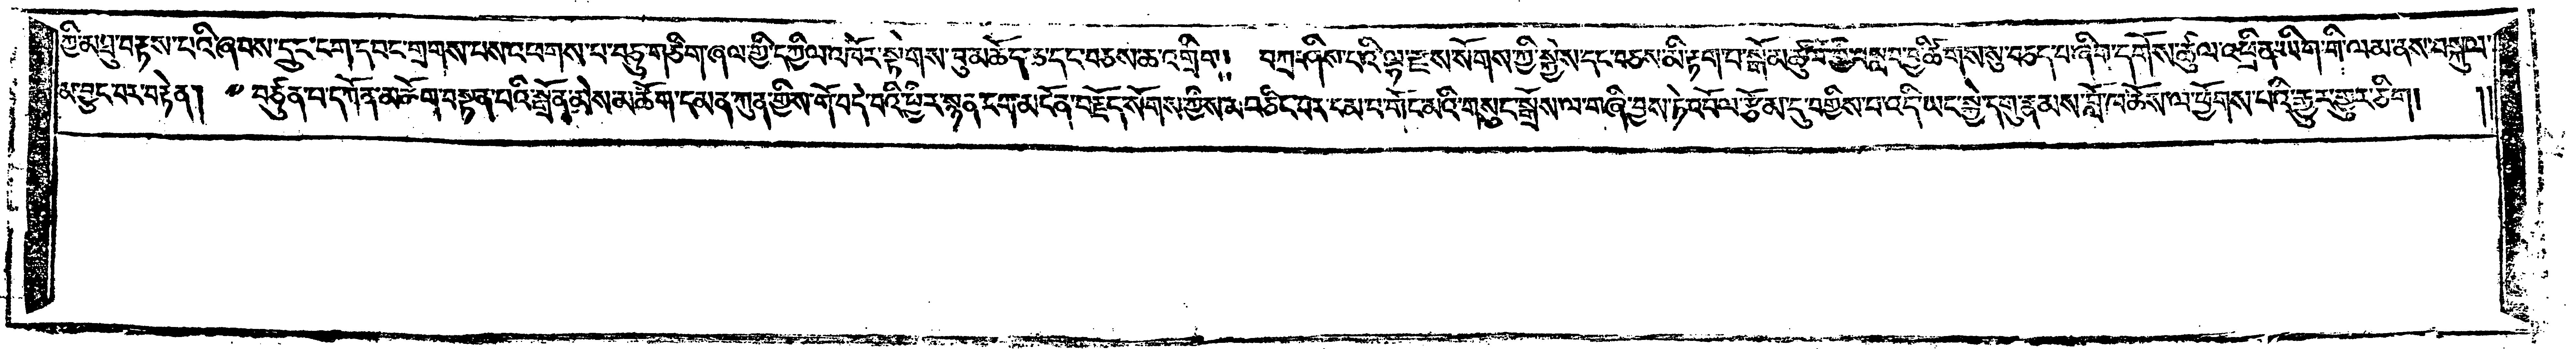ཀྱི་མཐུ་བརྟས་པའི་ཞབས་བྲུང་ངག་དབང་གྲགས་པས་འཕགས་བ་བཅུ་གཅིག་ཞལ་གྱི་དཀྱིལ་འཁོར་སྟེགས་བུ་མཆོད་ཆ་དང་བཅས་ཆ་འགྲིག། བཀྲ་ཤིས་པའི་ལྷ་རྫས་སོགས་ཀྱི་སྐྱེས་དང་བཅས་མི་རྟག་པ་སྒོམ་ཚུལ་གྱི་བསླབ་བྱ་ཚིགས་སུ་བཅད་པ་ཞིག་དགོས་ཚུལ་འཕྲིན་ཡིག་གི་ལམ་ནས་བསྐུལ་
མ་བྱུང་བར་བརྟེན། ༧་བཙུན་པ་དཀོན་མཆོག་བསྟན་པའི་སྒྲོན་མེས་མཆོག་དམན་ཀུན་གྱིས་གོ་བདེ་བའི་ཕྱིར་སྙན་ངག་མངོན་བརྗོད་སོགས་ཀྱིས་མ་བཅིང་བར་ངམ་པ་གོང་མའི་གསུང་སྒྲོས་ལ་གཞི་བྱས་ཏེ་འབོལ་རྩོམ་དུ་བགྱིས་པ་འདི་ཡང་སྐྱེ་དགུ་རྣམས་བློ་ཁ་ཆོས་ལ་ཕྱོགས་པའི་རྒྱུར་གྱུར་ཅིག། །།